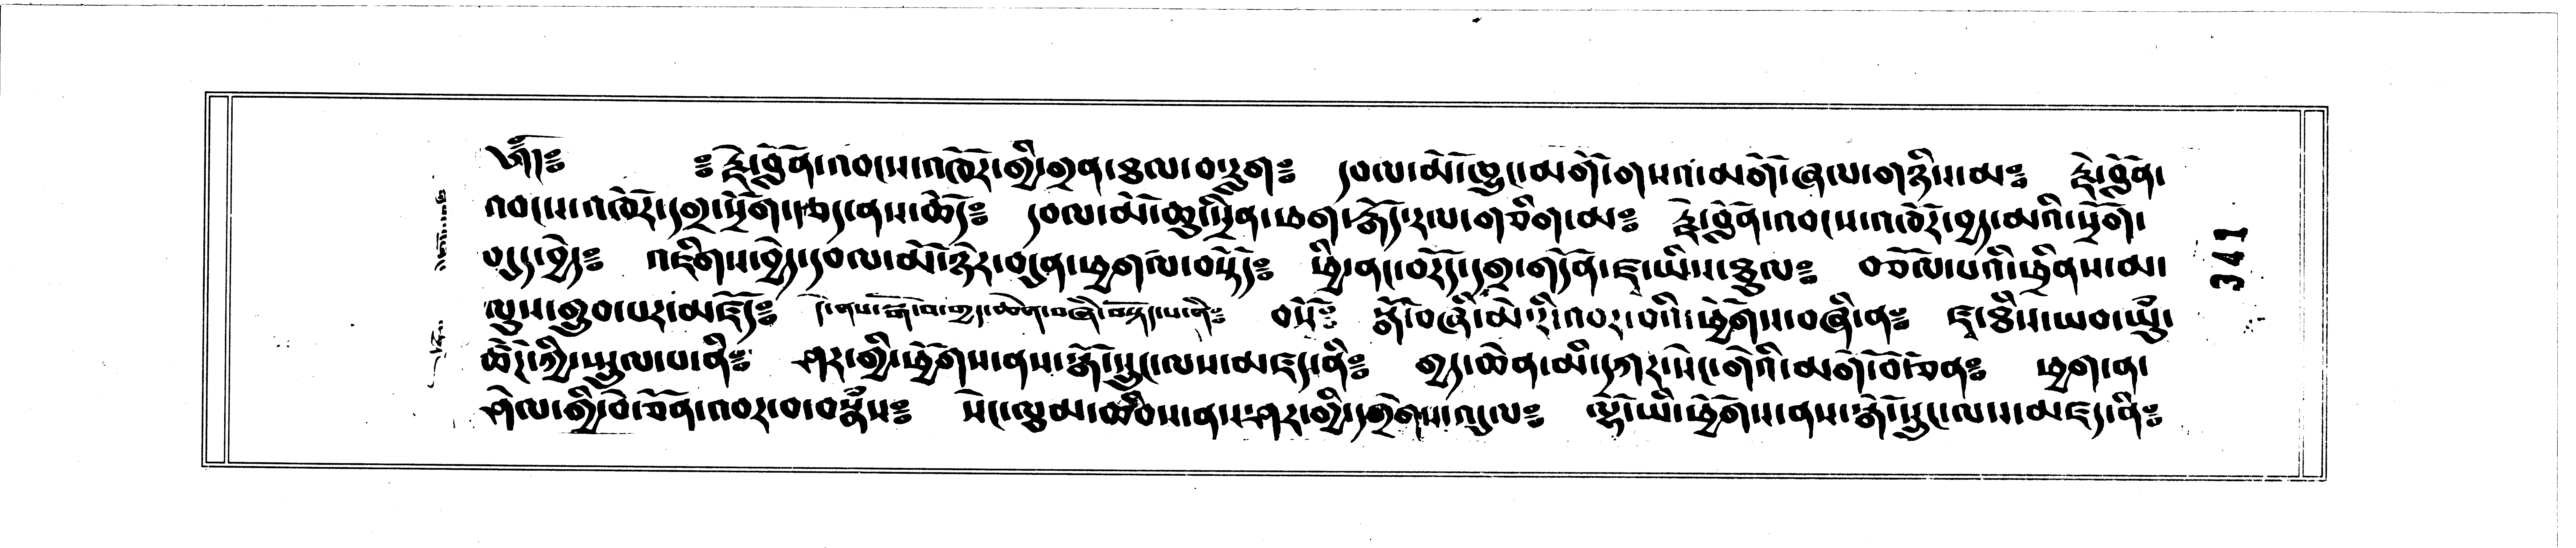རྗེ་བློན་འབངས་འཁོར་གྱི་གྲན་ཐལ་བ་བརླག༔ དབལ་མོ་ཁྱུང་མགོ་གསའ་མགོ་ཞལ་གཉིས་མ༔ རྗེ་བློན་
འབངས་འཁོར་དགྲ་སྲོག་རྩད་ནས་ཆོད༔ དབལ་མོ་ཆུ་སྲིན་ཕག་རྒོད་རལ་གཅིག་མ༔ རྗེ་བློན་འབངས་འཁོར་བྱད་མའི་སྲོག་
བདུད་བྱེད༔ འཇིགས་བྱེད་དབལ་མོ་ཉེར་བདུན་ཕྱག་འཚལ་བསྟོད༔ ཕྱི་ནང་བར་ཆད་དགྲ་གདོན་ཛྭ་ཡིས་ཐུལ༔ བཅོལ་བའི་ཕྲིན་ལས་མ་
ལུས་གྲུབ་པར་མཛོད༔ དེ་ནས་སྒོ་བ་གྱད་ཆེན་བཞི་བསྟོད་པ་ནི༔ བསྭོ༔ སྒོ་བཞི་མེ་རི་འབར་བའི་པྱོགས་བཞི་ན༔ ཛྭ་ཐིས་ཡབ་ཡུམ་
ཚོགས་ཀྱི་སྤྲུལ་པ་ནི༔ ཤར་གྱི་ཕྱོགས་ནས་སྒོ་སྲུང་ལས་མཛད་ནི༔ གྱད་ཆེན་མི་དཀར་སེང་གེའི་མགོ་བོ་ཅན༔ ཕྱག་ན་
ཤེལ་གྱི་བེ་ཅོན་འབར་བ་བསྣམས༔ སེང་ལྕམ་ཆིབས་ནས་ཤར་གྱི་དགྲ་བགེགས་འདུལ༔ ལྷོ་ཡི་ཕྱོགས་ནས་སྒོ་སྲུང་ལས་མཛད་ནི༔